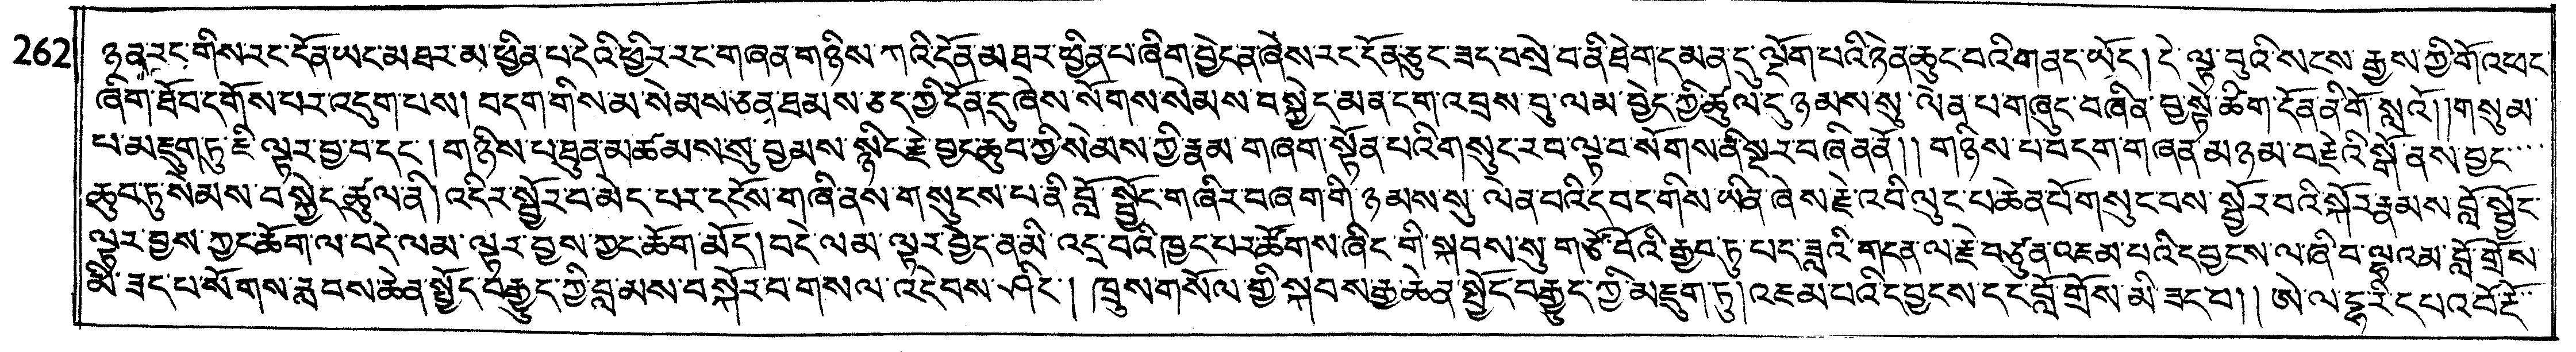ཉན་རང་གིས་རང་དོན་ཡང་མཐར་མ་ཕྱིན་པ་དེའི་ཕྱིར་རང་གཞན་གཉིས་ཀའི་དོན་མཐར་ཕྱིན་པ་ཞིག་བྱེད་ན་ཞེས་རང་དོན་ཅུང་ཟད་བསྲེ་བ་ནི་ཐེག་དམན་དུ་ལྡོག་པའི་ཉེན་ཆུང་བའི་གནད་ཡོད། དེ་ལྟ་བུའི་སངས་རྒྱས་ཀྱི་གོ་འཕང་
ཞིག་ཐོབ་དགོས་པར་འདུག་པས། བདག་གིས་མ་སེམས་ཅན་ཐམས་ཅད་ཀྱི་དོན་དུ་ཞེས་སོགས་སེམས་བསྐྱེད་མན་ངག་འབྲས་བུ་ལམ་བྱེད་ཀྱི་ཚུལ་དུ་ཉམས་སུ་ལེན་པ་གཞུང་བཞིན་བྱ་སྟེ་ཚིག་དོན་ནི་གོ་སླའོ། །གསུམ་
པ་མཇུག་ཏུ་ཇི་ལྟར་བྱ་བ་དང་། གཉིས་པ་ཐུན་མཚམས་སུ་བྱམས་སྙིང་རྗེ་བྱང་ཆུབ་ཀྱི་སེམས་ཀྱི་རྣམ་གཞག་སྟོན་པའི་གསུང་རབ་ལྟ་བ་སོགས་ནི་སྔར་བཞིན་ནོ། །གཉིས་པ་བདག་གཞན་མཉམ་བརྗེའི་སྒོ་ནས་བྱང་
ཆུབ་ཏུ་སེམས་བསྐྱེད་ཚུལ་ནི། འདིར་སྦྱོར་བ་མེད་པར་དངོས་གཞི་ནས་གསུངས་པ་ནི་བློ་སྦྱོང་གཞིར་བཞག་གི་ཉམས་སུ་ལེན་པའི་དབང་གིས་ཡིན་ཞེས་རྗེ་འབི་ལུང་པ་ཆེན་པོ་གསུང་བས་སྦྱོར་བའི་སྐོར་རྣམས་བློ་སྦྱོང་
ལྟར་བྱས་ཀྱང་ཆོག་ལ་བདེ་ལམ་ལྟར་བྱས་ཀྱང་ཆོག་མོད། བདེ་ལམ་ལྟར་བྱེད་ན་མི་འདྲ་བའི་ཁྱད་པར་ཚོགས་ཞིང་གི་སྐབས་སུ་གཙོ་བོའི་རྒྱབ་ཏུ་པད་ཟླའི་གདན་ལ་རྗེ་བཙུན་འཇམ་པའི་དབྱངས་ལ་ཞི་བ་ལྷའམ་བློ་གྲོས་
མི་ཟད་པ་སོགས་རླབས་ཆེན་སྤྱོད་བརྒྱུད་ཀྱི་བླ་མས་བསྐོར་བ་གསལ་འདེབས་ཤིང་། ཁྲུས་གསོལ་གྱི་སྐབས་རྒྱ་ཆེན་སྤྱོད་བརྒྱུད་ཀྱི་མཇུག་ཏུ། འཇམ་པའི་དབྱངས་དང་བློ་གྲོས་མི་ཟད་པ། །ཨེ་ལ་དྷ་རི་དཔའ་བོ་རྡོ་